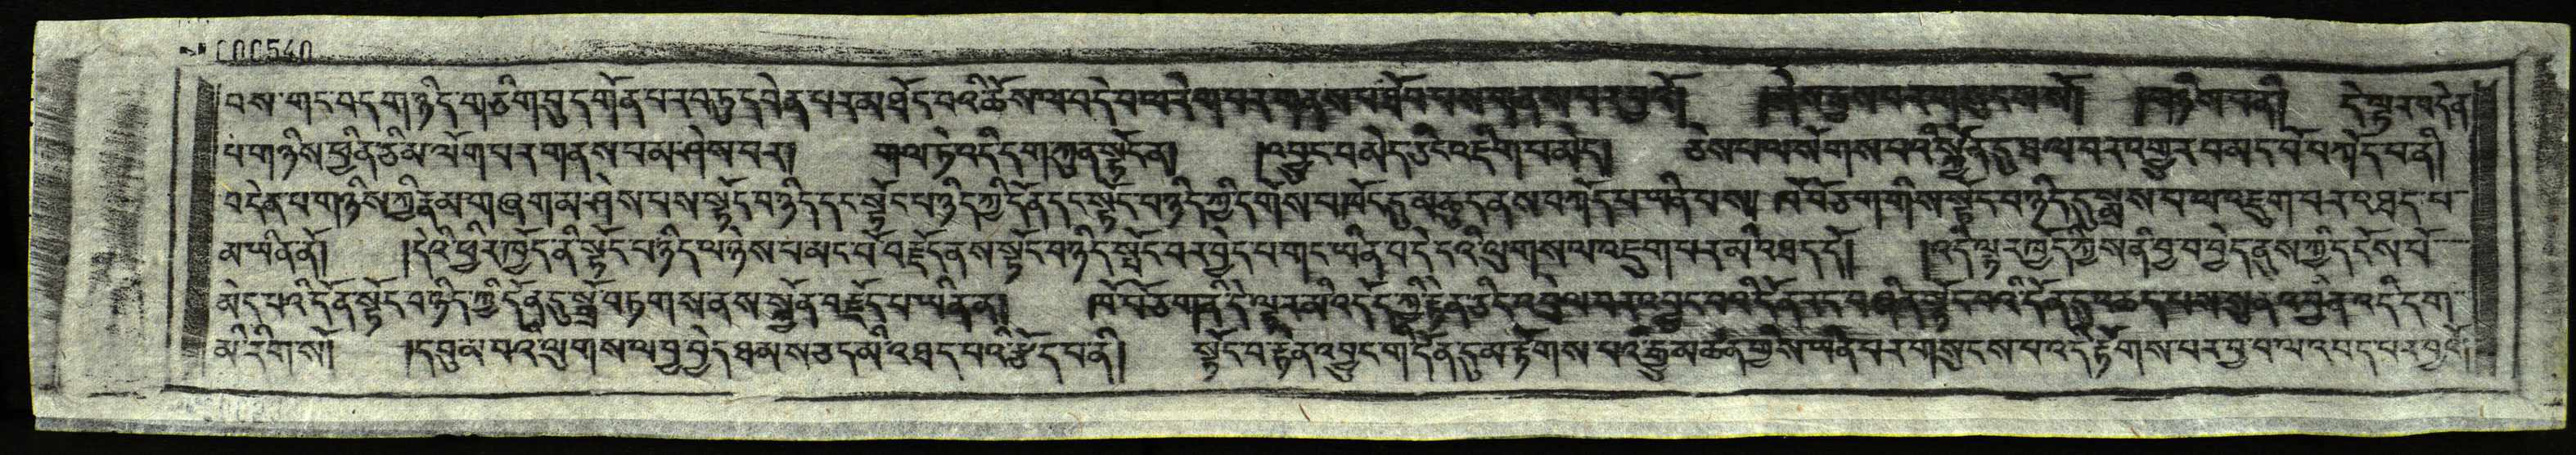བས་གང་བདག་ཉིད་གཅིག་པུ་དགོན་པ་རབ་ཏུ་དབེན་པར་མཐོང་བའི་ཆོས་ལ་བདེ་བ་ལ་རེག་པར་གནས་པ་ཐོབ་པས་གནས་པར་བྱའོ། །ཞེས་རྒྱས་པར་གསུངས་སོ། །གཉིས་པ་ནི། དེ་ལྟར་བདེན་
པ་གཉིས་ཕྱིན་ཅི་མ་ལོག་པར་གནས་པ་མ་ཤེས་པར། གལ་ཏེ་འདི་དག་ཀུན་སྟོང་ན། །འབྱུང་བ་མེད་ཅིང་འཇིག་པ་མེད། ཅེས་པ་ལ་སོགས་པའི་སྐྱོན་དུ་ཐལ་བར་འགྱུར་བ་མང་པོ་བཀོད་པ་ནི།
བདེན་པ་གཉིས་ཀྱི་རྣམ་གཞག་མ་ཤེས་པས་སྟོང་པ་ཉིད་དང་སྟོང་པ་ཉིད་ཀྱི་དོན་དང་སྟོང་པ་ཉིད་ཀྱི་དགོས་པ་ཁོང་དུ་མཆུད་ནས་བཀོད་པ་ཡིན་པས། ཁོ་བོ་ཅག་གིས་སྟོང་པ་ཉིད་དུ་སྨྲས་པ་ལ་འཇུག་པར་འཐད་པ་
མ་ཡིན་ནོ། །དེའི་ཕྱིར་ཁྱོད་ནི་སྟོང་པ་ཉིད་ལ་ཉེས་པ་མང་པོ་བརྗོད་ནས་སྟོང་པ་ཉིད་སྤོང་བར་བྱེད་པ་གང་ཡིན་པ་དེ་དའི་ལུགས་ལ་འཇུག་པར་མི་འཐད་དོ། །འདི་ལྟར་ཁྱོད་ཀྱིས་ནི་བྱ་བ་བྱེད་ནུས་ཀྱི་དངོས་པོ་
མེད་པའི་དོན་སྟོང་པ་ཉིད་ཀྱི་དོན་དུ་སྒྲོ་བཏགས་ནས་སྐྱོན་བརྗོད་པ་ཡིན་ན། ཁོ་བོ་ཅག་ནི་དེ་ལྟར་མི་འདོད་ཀྱི་རྟེན་ཅིང་འབྲེལ་བར་འབྱུང་བའི་དོན་རང་བཞིན་སྟོང་པའི་དོན་དུ་འཆད་པས་སུན་འབྱིན་འདི་དག་
མི་རིག་སོ། །དབུ་མ་པའི་ལུགས་ལ་བྱ་བྱེད་ཐམས་ཅད་མི་འཐད་པའི་རྩོད་པ་ནི། སྟོང་བ་རྟེན་འབྱུང་གི་དོན་དུ་མ་རྟོགས་པའི་རྒྱུ་མཚན་གྱིས་ཡིན་པར་གསུངས་པ་འདི་རྟོགས་པར་བྱ་བ་ལ་འབད་པར་བྱའོ།